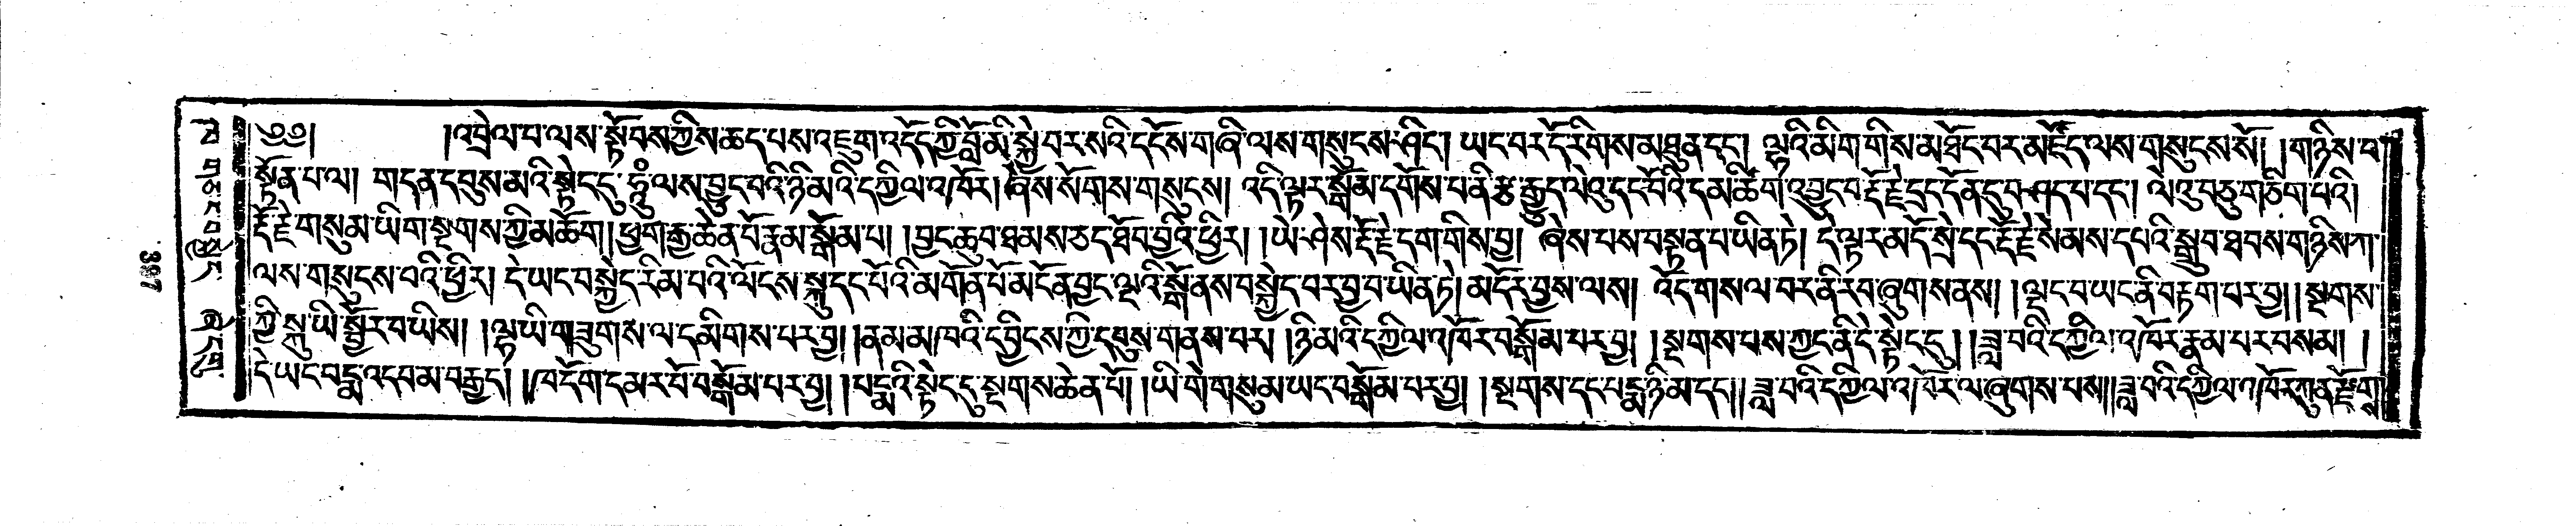༄༅། །འབྲེལ་བ་ལས་སྟོབས་ཀྱིས་ཆད་པས་འཇུག་འདོད་ཀྱི་བློ་མི་སྐྱེ་བར་སའི་དངོས་གཞི་ལས་གསུངས་ཤིང་། ཡང་བར་དོ་རིགས་མཐུན་དང་། ལྷའི་མིག་གིས་མཐོང་བར་མཛོད་ལས་གསུངས་སོ། །གཉིས་པ་
སྟོན་པ་ལ། གདན་དབུས་མའི་སྟེང་དུ་ཧཱུཾ་ལས་བྱུང་བའི་ཉི་མའི་དཀྱིལ་འཁོར། ཞེས་སོགས་གསུངས། འདི་ལྟར་སྒོམ་དགོས་པ་ནི་རྩ་རྒྱུད་ལེའུ་དང་པོའི་དམ་ཚིག་འབྱུང་བ་རྡོ་རྗེ་དྲང་དོན་དུ་བཤད་པ་དང་། ལེའུ་བཅུ་གཅིག་པའི།
རྡོ་རྗེ་གསུམ་ཡིག་སྔགས་ཀྱི་མཆོག །ཕྱག་རྒྱ་ཆེན་པོ་རྣམ་སྒོམ་པ། །བྱང་ཆུབ་ཐམས་ཅད་ཐོབ་བྱའི་ཕྱིར། །ཡེ་ཤེས་རྡོ་རྗེ་དག་གིས་བྱ། ཞེས་པས་བསྟན་པ་ཡིན་ཏེ། དེ་ལྟར་མདོ་སྲེ་དང་རྡོ་རྗེ་སེམས་དཔའི་སྒྲུབ་ཐབས་གཉིས་ཀ་
ལས་གསུངས་པའི་ཕྱིར། དེ་ཡང་བསྐྱེད་རིམ་པའི་ལོངས་སྐུ་དང་པོའི་མགོན་པོ་མངོན་བྱང་ལྔའི་སྒོ་ནས་བསྐྱེད་པར་བྱ་བ་ཡིན་ཏེ། མདོར་བྱས་ལས། འོད་གསལ་བར་ནི་རབ་ཞུགས་ནས། །ལྡང་བ་ཡང་ནི་བརྟག་པར་བྱ། །སྔགས་
ཀྱི་སྐུ་ཡི་སྦྱོར་བ་ཡིས། །ལྷ་ཡི་གཟུགས་ལ་དམིགས་པར་བྱ། །ནམ་མཁའི་དབྱིངས་ཀྱི་དབུས་གནས་པར། །ཉི་མའི་དཀྱིལ་འཁོར་བསྒོམ་པར་བྱ། །སྔགས་པས་ཀྱང་ནི་དེ་སྟེང་དུ། །ཟླ་བའི་དཀྱིལ་འཁོར་རྣམ་པར་བསམ། །
དེ་ཡང་པདམ་འདབ་མ་བརྒྱད། །ཁ་དོག་དམར་པོ་བསྒོམ་པར་བྱ། །པདམའི་སྟེང་དུ་སྔགས་ཆེན་པོ། །ཡི་གེ་གསུམ་ཡང་བསྒོམ་པར་བྱ། །སྔགས་དང་པདམ་ཉི་མ་དང་། །ཟླ་བའི་དཀྱིལ་འཁོར་ལ་ཞུགས་པས། །ཟླ་བའི་དཀྱིལ་འཁོར་ཀུན་རྫོགས་